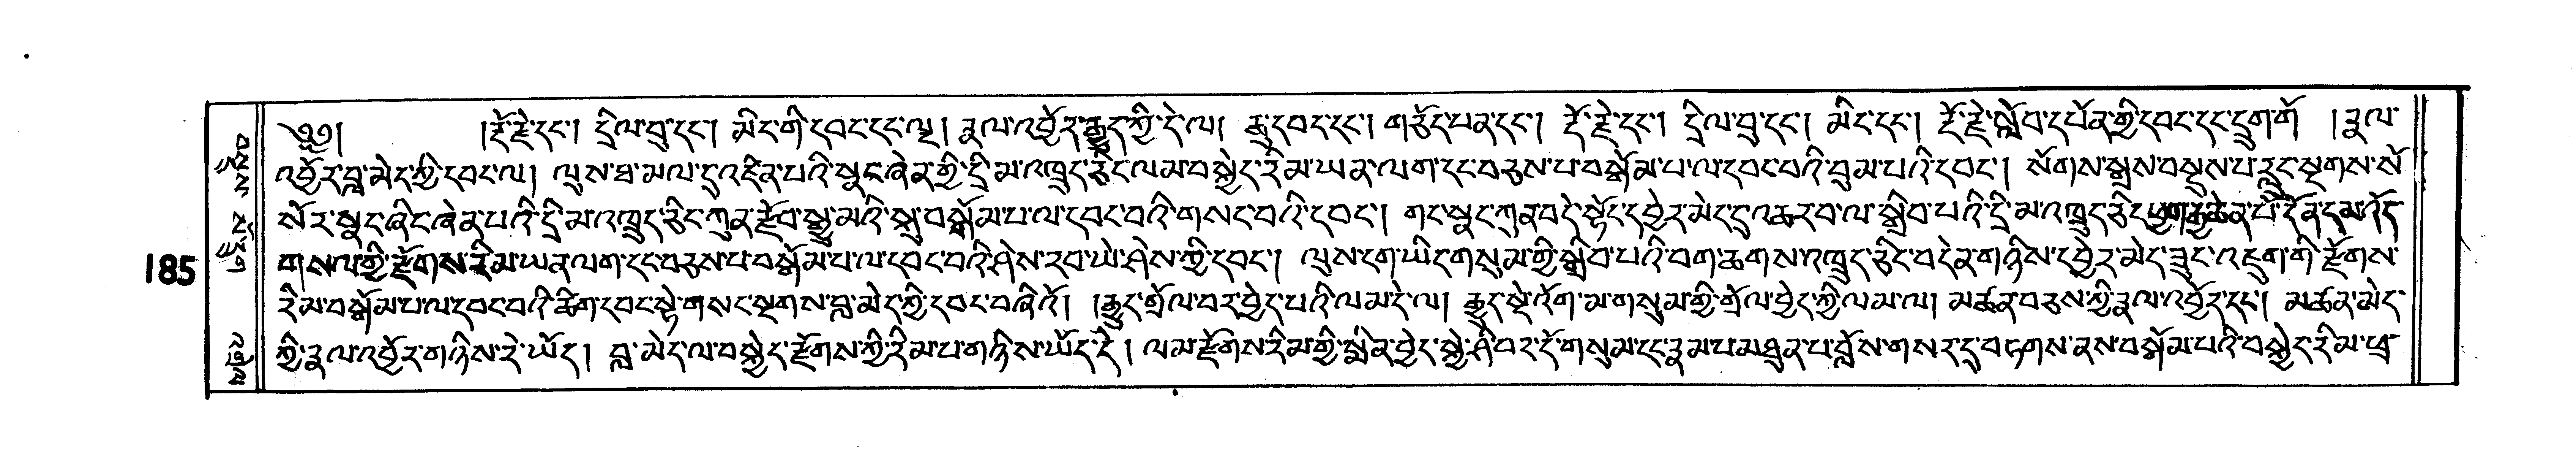༄༅། །རྡོ་རྗེ་དང་། དྲིལ་བུ་དང་། མིང་གི་དབང་དང་ལྔ། རྣལ་འབྱོར་རྒྱུད་ཀྱི་དེ་ལ། ཆུ་དབང་དང་། གཅོད་པན་དང་། རྡོ་རྗེ་དང་། དྲིལ་བུ་དང་། མིང་དང་། རྡོ་རྗེ་སློབ་དཔོན་གྱི་དབང་དང་དྲུག་གོ །རྣལ་
འབྱོར་བླ་མེད་ཀྱི་དབང་ལ། ལུས་ཐ་མལ་དུ་འཛིན་པའི་སྣང་ཞེན་གྱི་དྲི་མ་འཁྲུད་ཅིང་ལམ་བསྐྱེད་རིམ་ཡན་ལག་དང་བཅས་པ་བསྒོམ་པ་ལ་དབང་པའི་བུམ་པའི་དབང་། སོགས་སྒྲས་བསྡུས་པ་རླུང་སྔགས་སོ་
སོར་སྣང་ཞིང་ཞེན་པའི་དྲི་མ་འཁྲུད་ཅིང་ཀུན་རྫོབ་སྒྱུ་མའི་སྐུ་བསྒོམ་པ་ལ་དབང་བའི་གསང་བའི་དབང་། གང་སྣང་ཀུན་བདེ་སྟོང་དབྱེར་མེད་དུ་འཆར་བ་ལ་སྒྲིབ་པའི་དྲི་མ་འཁྲུད་ཅིང་ཕྱག་རྒྱ་ཆེན་པོ་དོན་དམ་འོད་
གསལ་གྱི་རྫོགས་རིམ་ཡན་ལག་དང་བཅས་པ་བསྒོམ་པ་ལ་དབང་བའི་ཤེས་རབ་ཡེ་ཤེས་ཀྱི་དབང་། ལུས་ངག་ཡིད་གསུམ་གྱི་སྒྲིབ་པའི་བག་ཆགས་འཁྲུད་ཅིང་བདེན་གཉིས་དབྱེར་མེད་ཟུང་འཇུག་གི་རྫོགས་
རིམ་བསྒོམ་པ་ལ་དབང་བའི་ཚིག་དབང་སྟེ་གསང་སྔགས་བླ་མེད་ཀྱི་དབང་བཞིའོ། །རྒྱུད་གྲོལ་བར་བྱེད་པའི་ལམ་དེ་ལ། རྒྱུད་སྡེ་འོག་མ་གསུམ་གྱི་གྲོལ་བྱེད་ཀྱི་ལམ་ལ། མཚན་བཅས་ཀྱི་རྣལ་འབྱོར་དང་། མཚན་མེད་
ཀྱི་རྣལ་འབྱོར་གཉིས་རེ་ཡོད། བླ་མེད་ལ་བསྐྱེད་རྫོགས་ཀྱི་རིམ་པ་གཉིས་ཡོད་དེ། ལམ་རྫོགས་རིམ་གྱི་སྨིན་བྱེད་སྐྱེ་ཤི་བར་དོ་གསུམ་དང་རྣམ་པ་མཐུན་པ་བློས་གསར་དུ་བཏགས་ནས་བསྒོམ་པའི་བསྐྱེད་རིམ་ཕྲ་